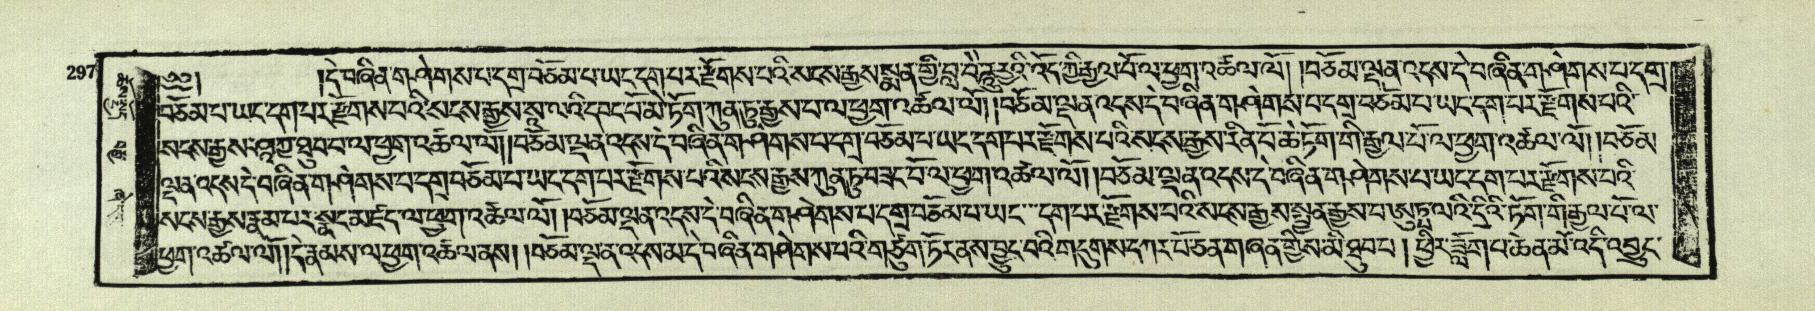༄༅། །དེ་བཞིན་གཤེགས་པ་དགྲ་བཅོམ་པ་ཡང་དག་པར་རྫོགས་པའི་སངས་རྒྱས་སྨན་གྱི་བླ་བཻཌཱུརྱའི་འོད་ཀྱི་རྒྱལ་པོ་ལ་ཕྱག་འཚལ་ལོ། །བཅོམ་ལྡན་འདས་དེ་བཞིན་གཤེགས་པ་དགྲ་
བཅོམ་པ་ཡང་དག་པར་རྫོགས་པའི་སངས་རྒྱས་སཱ་ལའི་དབང་པོ་མེ་ཏོག་ཀུན་ཏུ་རྒྱས་པ་ལ་ཕྱག་འཚལ་ལོ། །བཅོམ་ལྡན་འདས་དེ་བཞིན་གཤེགས་པ་དགྲ་བཅོམ་པ་ཡང་དག་པར་རྫོགས་པའི་
སངས་རྒྱས་ཤཱཀྱ་ཐུབ་པ་ལ་ཕྱག་འཚལ་ལོ། །བཅོམ་ལྡན་འདས་དེ་བཞིན་གཤེགས་པ་དགྲ་བཅོམ་པ་ཡང་དག་པར་རྫོགས་པའི་སངས་རྒྱས་རིན་པོ་ཆེ་ཏོག་གི་རྒྱལ་པོ་ལ་ཕྱག་འཚལ་ལོ། །བཅོམ་
ལྡན་འདས་དེ་བཞིན་གཤེགས་པ་དགྲ་བཅོམ་པ་ཡང་དག་པར་རྫོགས་པའི་སངས་རྒྱས་ཀུན་ཏུ་བཟང་པོ་ལ་ཕྱག་འཚལ་ལོ། །བཅོམ་ལྡན་འདས་དེ་བཞིན་གཤེགས་པ་ཡང་དག་པར་རྫོགས་པའི་
སངས་རྒྱས་རྣམ་པར་སྣང་མཛད་ལ་ཕྱག་འཚལ་ལོ། །བཅོམ་ལྡན་འདས་དེ་བཞིན་གཤེགས་པ་དགྲ་བཅོམ་པ་ཡང་དག་པར་རྫོགས་པའི་སངས་རྒྱས་སྤྱན་རྒྱས་པ་ཨུཏྤ་ལའི་དྲིའི་ཏོག་གི་རྒྱལ་པོ་ལ་
ཕྱག་འཚལ་ལོ། །དེ་རྣམས་ལ་ཕྱག་འཚལ་ནས། །བཅོམ་ལྡན་འདས་མ་དེ་བཞིན་གཤེགས་པའི་གཙུག་ཏོར་ནས་བྱུང་བའི་གདུགས་དཀར་པོ་ཅན་གཞན་གྱིས་མི་ཐུབ་པ། ཕྱིར་ཟློག་པ་ཆེན་མོ་འདི་འབྱུང་